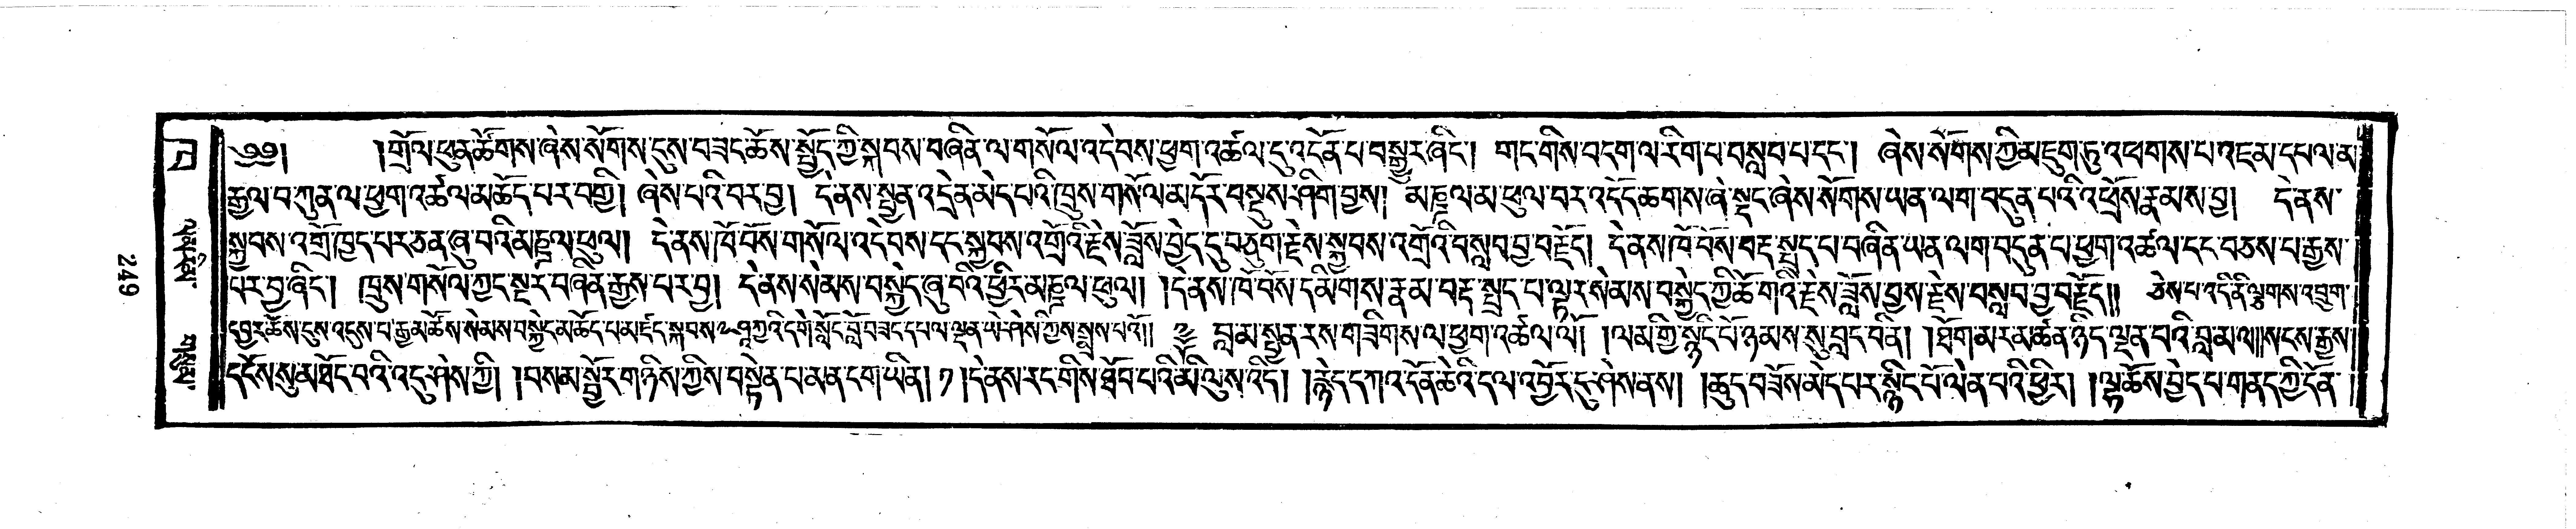༄༅། །གྲོལ་ཕུན་ཚོགས་ཞེས་སོགས་དུས་བཟང་ཆོས་སྤྱོད་ཀྱི་སྐབས་བཞིན་ལ་གསོལ་འདེབས་ཕྱག་འཚལ་དུ་འདོན་པ་བསྒྱུར་ཞིང་། གང་གིས་བདག་ལ་རིག་པ་བསླབ་པ་དང་། ཞེས་སོགས་ཀྱི་མཇུག་ཏུ་འཕགས་པ་འཇམ་དཔལ་མ་
རྒྱལ་བ་ཀུན་ལ་ཕྱག་འཚལ་མཆོད་པར་བགྱི། ཞེས་པའི་བར་བྱ། དེ་ནས་སྤྱན་འདྲེན་མེད་པའི་ཁྲུས་གསོལ་མདོར་བསྡུས་ཤིག་བྱས། མཎྜལ་མ་ཕུལ་བར་འདོད་ཆགས་ཞེ་སྡང་ཞེས་སོགས་ཡན་ལག་བདུན་པའི་འཕྲོས་རྣམས་བྱ། དེ་ནས་
སྐྱབས་འགྲོ་ཁྱད་པར་ཅན་ཞུ་བའི་མཎྜལ་ཕུལ། དེ་ནས་ཁོ་བོས་གསོལ་འདེབས་དང་སྐྱབས་འགྲོའི་རྗེས་ཟློས་བྱེད་དུ་བཅུག་རྗེས་སྐྱབས་འགྲོའི་བསླབ་བྱ་བརྗོད། དེ་ནས་ཁོ་བོས་བརྡ་སྤྲད་པ་བཞིན་ཡན་ལག་བདུན་པ་ཕྱག་འཚལ་དང་བཅས་པ་རྒྱས་
པར་བྱ་ཞིང་། ཁྲུས་གསོལ་ཀྱང་སྔར་བཞིན་རྒྱས་པར་བྱ། དེ་ནས་སེམས་བསྐྱེད་ཞུ་བའི་ཕྱིར་མཎྜལ་ཕུལ། །དེ་ནས་ཁོ་བོས་དམིགས་རྣམ་བརྡ་སྤྲང་པ་ལྟར་སེམས་བསྐྱེད་ཀྱི་ཆོ་གའི་རྗེས་ཟློས་བྱས་རྗེས་བསླབ་བྱ་བརྗོད།། ཅེས་པ་འདི་ནི་ལྕགས་འབྲུག་
དབྱར་ཆོས་དུས་འདུས་པ་རྒྱ་མཚོས་སེམས་བསྐྱེད་མཆོད་པ་མཛད་སྐབས་༧་ཤཱཀྱའི་དགེ་སློང་བློ་བཟང་དཔལ་ལྡན་ཡེ་ཤེས་ཀྱིས་སྨྲས་པའོ།། ༈ བླ་མ་སྤྱན་རས་གཟིགས་ལ་ཕྱག་འཚལ་ལོ། །ལམ་གྱི་སྙིང་པོ་ཉམས་སུ་བླང་བ་ནི། །ཐོག་མར་མཚན་ཉིད་ལྡན་པའི་བླ་མ་ལ། །སངས་རྒྱས་
དངོས་སུ་མཐོང་བའི་འདུ་ཤེས་ཀྱི། །བསམ་སྦྱོར་གཉིས་ཀྱིས་བསྟེན་པ་མན་ངག་ཡིན། ༈ །དེ་ནས་རང་གིས་ཐོབ་པའི་མི་ལུས་འདི། །རྙེད་དཀའ་དོན་ཆེའི་དལ་འབྱོར་དུ་ཤེས་ནས། །ཆུད་བཟོས་མེད་པར་སྙིང་པོ་ལེན་པའི་ཕྱིར། །ལྷ་ཆོས་བྱེད་པ་གནད་ཀྱི་དོན་